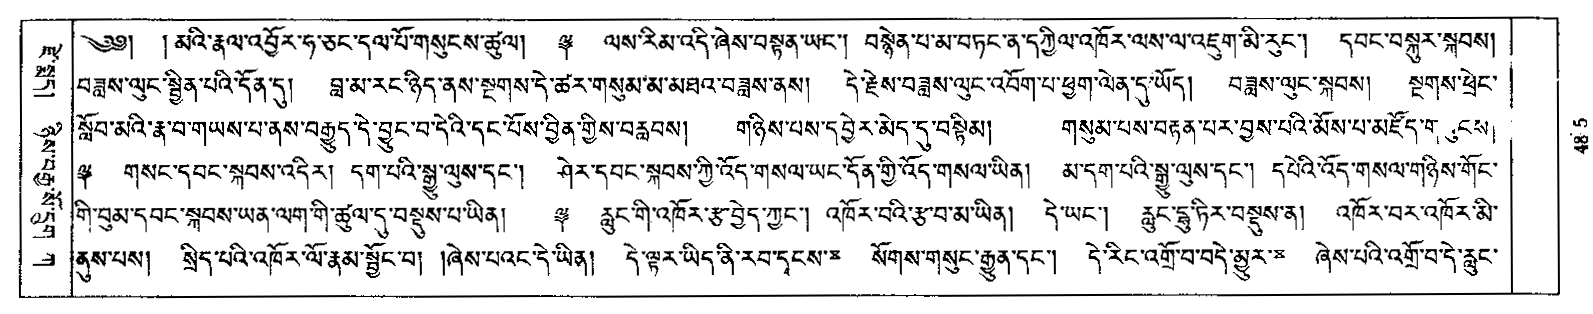༄༅། །མའི་རྣལ་འབྱོར་ཧ་ཅང་དལ་པོ་གསུངས་ཚུལ། ༈ ལས་རིམ་འདི་ཞེས་བསྟན་ཡང་། བསྙེན་པ་མ་བཏང་ན་དཀྱིལ་འཁོར་ལས་ལ་འཇུག་མི་རུང་། དབང་བསྐུར་སྐབས།
བཟླས་ལུང་སྦྱིན་པའི་དོན་དུ། བླ་མ་རང་ཉིད་ནས་སྔགས་དེ་ཚར་གསུམ་མ་མཐའ་བཟླས་ནས། དེ་རྗེས་བཟླས་ལུང་འབོག་པ་ཕྱག་ལེན་དུ་ཡོད། བཟླས་ལུང་སྐབས། སྔགས་ཕྲེང་
སློབ་མའི་རྣ་བ་གཡས་པ་ནས་བརྒྱུད་དེ་བྱུང་བ་དེའི་དང་པོས་བྱིན་གྱིས་བརླབས། གཉིས་པས་དབྱེར་མེད་དུ་བསྟིམ། གསུམ་པས་བརྟན་པར་བྱས་པའི་མོས་པ་མཛོད་གསུངས།
༈ གསང་དབང་སྐབས་འདིར། དག་པའི་སྒྱུ་ལུས་དང་། ཤེར་དབང་སྐབས་ཀྱི་འོད་གསལ་ཡང་དོན་གྱི་འོད་གསལ་ཡིན། མ་དག་པའི་སྒྱུ་ལུས་དང་། དཔེའི་འོད་གསལ་གཉིས་གོང་
གི་བུམ་དབང་སྐབས་ཡན་ལག་གི་ཚུལ་དུ་བསྡུས་པ་ཡིན། ༈ རླུང་གི་འཁོར་རྩ་བྱེད་ཀྱང་། འཁོར་བའི་རྩ་བ་མ་ཡིན། དེ་ཡང་། རླུང་དྷུ་ཏིར་བསྡུས་ན། འཁོར་བར་འཁོར་མི་
ནུས་པས། སྲིད་པའི་འཁོར་ལོ་རྣམ་སྦྱོང་བ། །ཞེས་པའང་དེ་ཡིན། དེ་ལྟར་ཡིད་ནི་རབ་དྭངས་྾་སོགས་གསུང་རྒྱུན་དང་། དེ་རིང་འགྲོ་བ་བདེ་མྱུར་྾་ཞེས་པའི་འགྲོ་བ་དེ་རླུང་